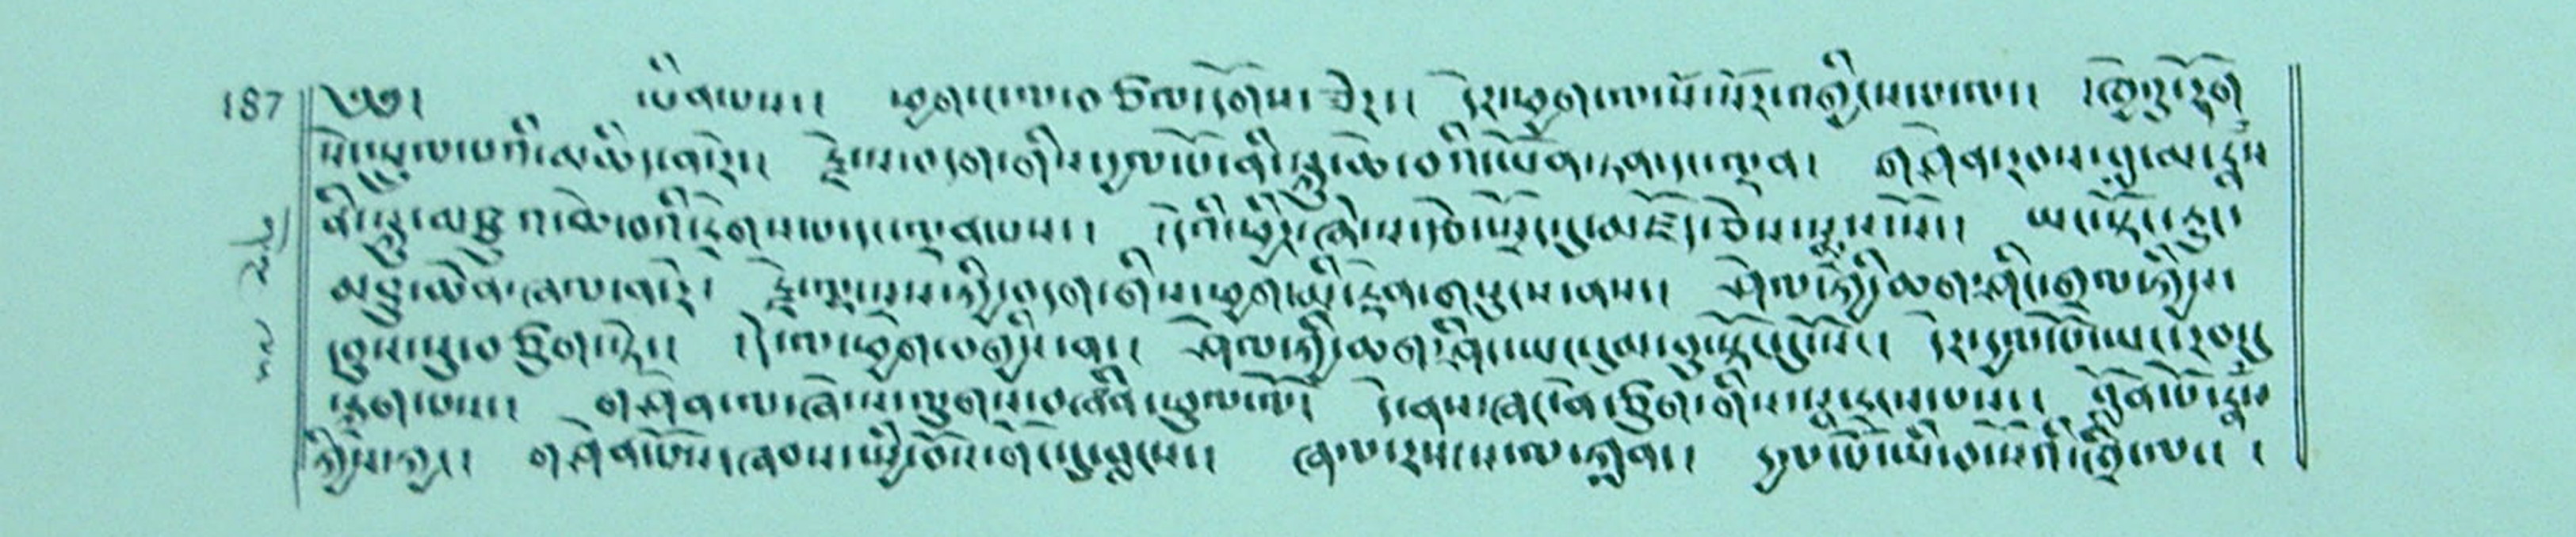༄༅། །ཡིན་པས། ཕྱག་ང་ལ་བཙལ་དགོས་ཟེར། དེར་ཕྱག་ལ་སོ་སོར་འགྱིངས་པ་ལ། ཁྱེའུ་རོག་
སེ་སྤྲུལ་བའི་མཆིད་ན་རེ། རྗེ་ས་བདག་གི་རྒྱལ་བོ་ནི་སྐུ་ཆེ་བའི་ཡོན་ཏན་དང་ལྡན། གཤེན་རབ་བླ་མ་རྣམས་
ནི་སྐུ་མཐུའ་ཆེ་བའི་དྲེགས་པ་དང་ལྡན་པས། དེ་ཕྱིར་ཞེ་ས་རྩེ་སྤྲོ་རུ་མཛོད་ཅེས་སྨྲས་སོ། །ཡང་སྟོང་རྒྱུང་
མཐུ་ཆེན་ཞལ་ན་རེ། རྗེ་ལྷ་སྲས་ཀྱི་བདག་གིས་ཕྱག་མི་རྟེན་གསུངས་ནས། ཤེལ་གྱི་ཆག་ཤིང་གྲལ་གྱི་
དབུས་སུ་བཙུགས་ཏེ། དེ་ལ་ཕྱག་བགྱིས་ན་ཤེལ་གྱི་ཆག་ཤིང་ཡང་དམ་བུ་སྟོང་དུ་སོང་། དེར་རྒྱལ་བོ་ཡང་རབ་དུ་
སྐྲག་པས། གཤེན་ལ་ཞེ་ས་ལུགས་བཞིན་ཕུལ་ལོ། །དེ་ནས་ཞང་ནས་ཙུག་གིས་སྣ་དྲངས་པས། བློན་པོ་རྣམས་
ཀྱིས་ཀྱང་གཤེན་པོའི་ཞབས་སྤྱི་བོས་གོང་དུ་བླངས། ཞལ་རས་ས་ལ་ཀླན། རྒྱལ་བོ་ཡི་བ་སོའི་ཁྲི་ལ་